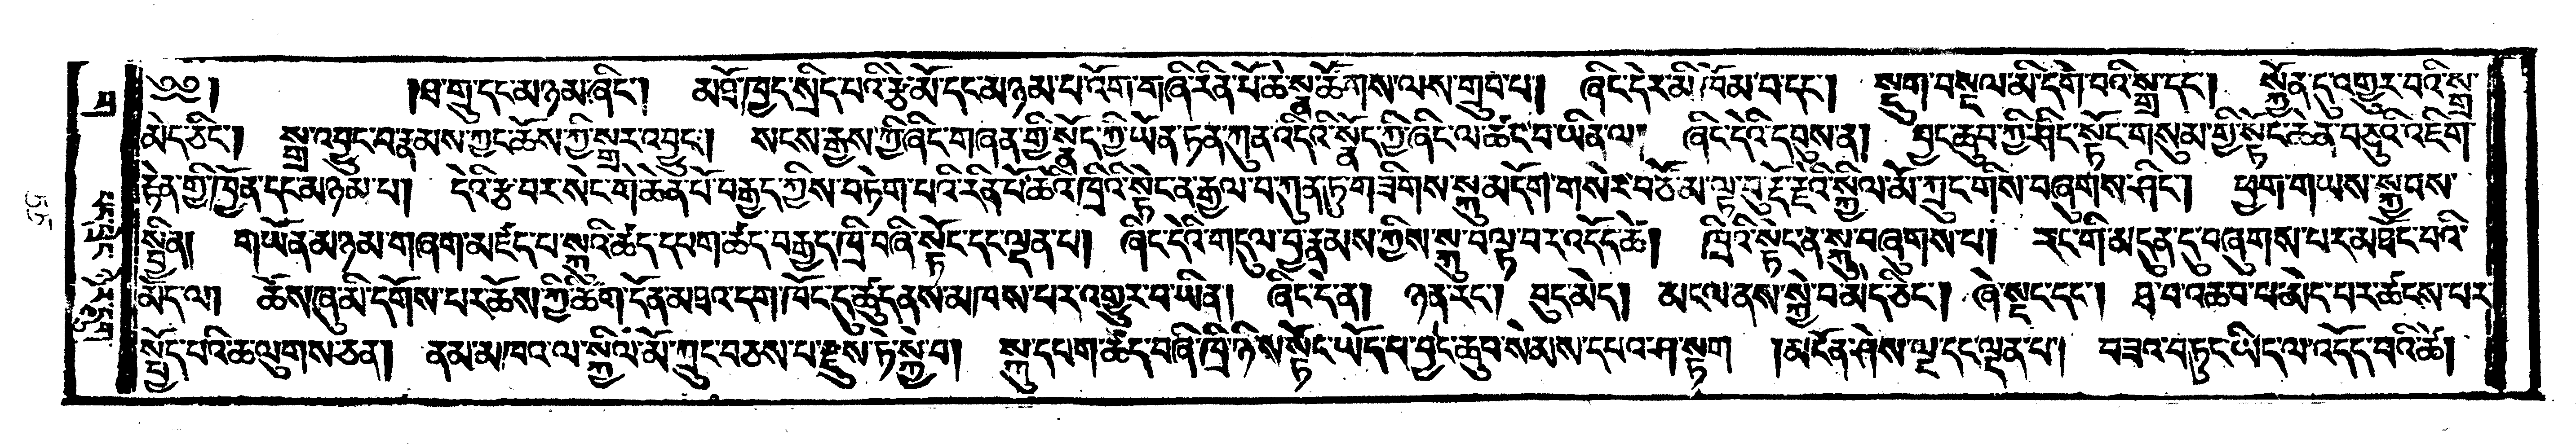༄༅། །ཐ་གྲུ་དང་མཉམ་ཞིང་། མཐོ་ཁྱད་སྲིད་པའི་རྩེ་མོ་དང་མཉམ་པ་འོག་གཞི་རིན་པོ་ཆེ་སྣ་ཚོགས་ལས་གྲུབ་པ། ཞིང་དེར་མི་ཁོམ་པ་དང་། སྡུག་བསྔལ་མི་དགེ་བའི་སྒྲ་དང་། སྐྱོན་དུ་འགྱུར་བའི་སྒྲ་
མེད་ཅིང་། སྒྲ་འབྱུང་བ་རྣམས་ཀྱང་ཆོས་ཀྱི་སྒྲར་འབྱུང་། སངས་རྒྱས་ཀྱི་ཞིང་གཞན་གྱི་སྣོད་ཀྱི་ཡོན་ཏན་ཀུན་འདིའི་སྣོད་ཀྱི་ཞིང་ལ་ཚང་བ་ཡིན་ལ། ཞིང་དེའི་དབུས་ན། བྱང་ཆུབ་ཀྱི་ཤིང་སྟོང་གསུམ་གྱི་སྟོང་ཆེན་བཅུའི་འཇིག་
རྟེན་གྱི་ཁྱོན་དང་མཉམ་པ། དེའི་རྩ་བར་སེང་གེ་ཆེན་པོ་བརྒྱད་ཀྱིས་བཏེག་པའི་རིན་པོ་ཆེའི་ཁྲིའི་སྟེང་ན་རྒྱལ་བ་ཀུན་ཏུ་གཟིགས་སྐུ་མདོག་གསེར་བཅོ་མ་ལྟ་བུ་རྡོ་རྗེའི་སྐྱིལ་མོ་ཀྲུང་གིས་བཞུགས་ཤིང་། ཕྱག་གཡས་སྐྱབས་
སྦྱིན། གཡོན་མཉམ་གཞག་མཛད་པ་སྐུའི་ཚད་དཔག་ཚད་བརྒྱད་ཁྲི་བཞི་སྟོང་དང་ལྡན་པ། ཞིང་དེའི་གདུལ་བྱ་རྣམས་ཀྱིས་སྐུ་བལྟ་བར་འདོད་ཚེ། ཁྲིའི་སྟེང་ན་སྐུ་བཞུགས་པ། རང་གི་མདུན་དུ་བཞུགས་པར་མཐོང་པའི་
མོད་ལ། ཆོས་ཞུ་མི་དགོས་པར་ཆོས་ཀྱི་ཚིག་དོན་མཐའ་དག་ཁོང་དུ་ཚུད་ནས་མཁས་པར་འགྱུར་བ་ཡིན། ཞིང་དེ་ན། ཉན་རང་། བུད་མེད། མངལ་ནས་སྐྱེ་བ་མེད་ཅིང་། ཞེ་སྡང་དང་། ཐ་བ་འཆབ་པ་མེད་པར་ཚངས་པར་
སྤྱོད་པའི་ཆ་ལུགས་ཅན། ནམ་མཁའ་ལ་སྐྱིལ་མོ་ཀྲུང་བཅས་པ་རྫུས་ཏེ་སྐྱེ་བ། སྐུ་དཔག་ཚད་བཞི་ཁྲི་ཉིས་སྟོང་ཡོད་པ་བྱང་ཆུབ་སེམས་དཔའ་ཤ་སྟག །མངོན་ཤེས་ལྔ་དང་ལྡན་པ། བཟའ་བཏུང་ཡིད་ལ་འདོད་པའི་ཚེ།